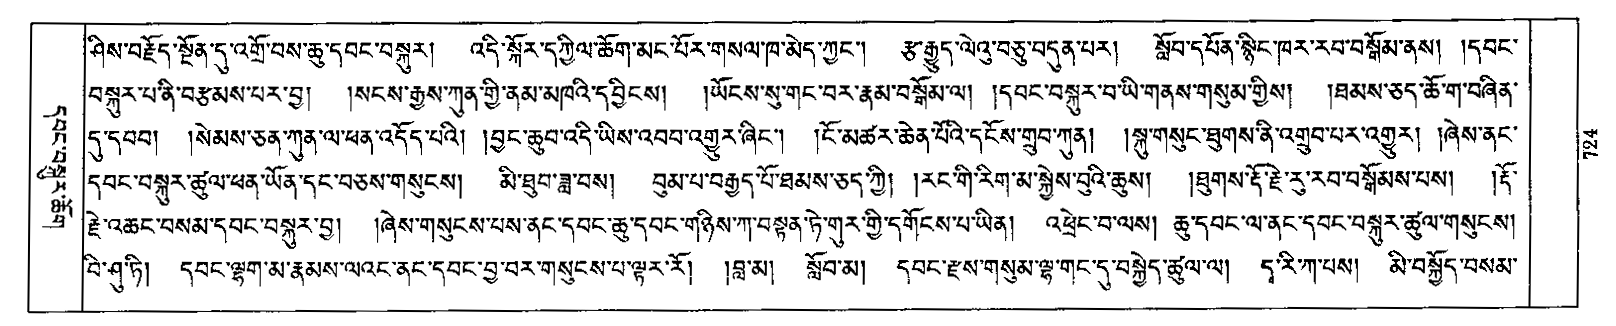ཤིས་བརྗོད་སྔོན་དུ་འགྲོ་བས་ཆུ་དབང་བསྐུར། འདི་སྐོར་དཀྱིལ་ཆོག་མང་པོར་གསལ་ཁ་མེད་ཀྱང་། རྩ་རྒྱུད་ལེའུ་བཅུ་བདུན་པར། སློབ་དཔོན་སྙིང་ཁར་རབ་བསྒོམ་ནས། །དབང་
བསྐུར་པ་ནི་བརྩམས་པར་བྱ། །སངས་རྒྱས་ཀུན་གྱི་ནམ་མཁའི་དབྱིངས། །ཡོངས་སུ་གང་བར་རྣམ་བསྒོམ་ལ། །དབང་བསྐུར་བ་ཡི་གནས་གསུམ་གྱིས། །ཐམས་ཅད་ཆོ་ག་བཞིན་
དུ་དབབ། །སེམས་ཅན་ཀུན་ལ་ཕན་འདོད་པའི། །བྱང་ཆུབ་འདི་ཡིས་འབབ་འགྱུར་ཞིང་། །ངོ་མཚར་ཆེན་པོའི་དངོས་གྲུབ་ཀུན། །སྐུ་གསུང་ཐུགས་ནི་འགྲུབ་པར་འགྱུར། །ཞེས་ནང་
དབང་བསྐུར་ཚུལ་ཕན་ཡོན་དང་བཅས་གསུངས། མི་ཐུབ་ཟླ་བས། བུམ་པ་བརྒྱད་པོ་ཐམས་ཅད་ཀྱི། །རང་གི་རིག་མ་སྐྱེས་བུའི་ཆུས། །ཐུགས་རྡོ་རྗེ་རུ་རབ་བསྒོམས་པས། །རྡོ་
རྗེ་འཆང་བསམ་དབང་བསྐུར་བྱ། །ཞེས་གསུངས་པས་ནང་དབང་ཆུ་དབང་གཉིས་ཀ་བསྟན་ཏེ་གུར་གྱི་དགོངས་པ་ཡིན། འཕྲེང་བ་ལས། ཆུ་དབང་ལ་ནང་དབང་བསྐུར་ཚུལ་གསུངས།
བི་ཤུ་ཏི། དབང་ལྷག་མ་རྣམས་ལའང་ནང་དབང་བྱ་བར་གསུངས་པ་ལྟར་རོ། །བླ་མ། སློབ་མ། དབང་རྫས་གསུམ་ལྷ་གང་དུ་བསྐྱེད་ཚུལ་ལ། དྭ་རི་ཀ་པས། མི་བསྐྱོད་བསམ་